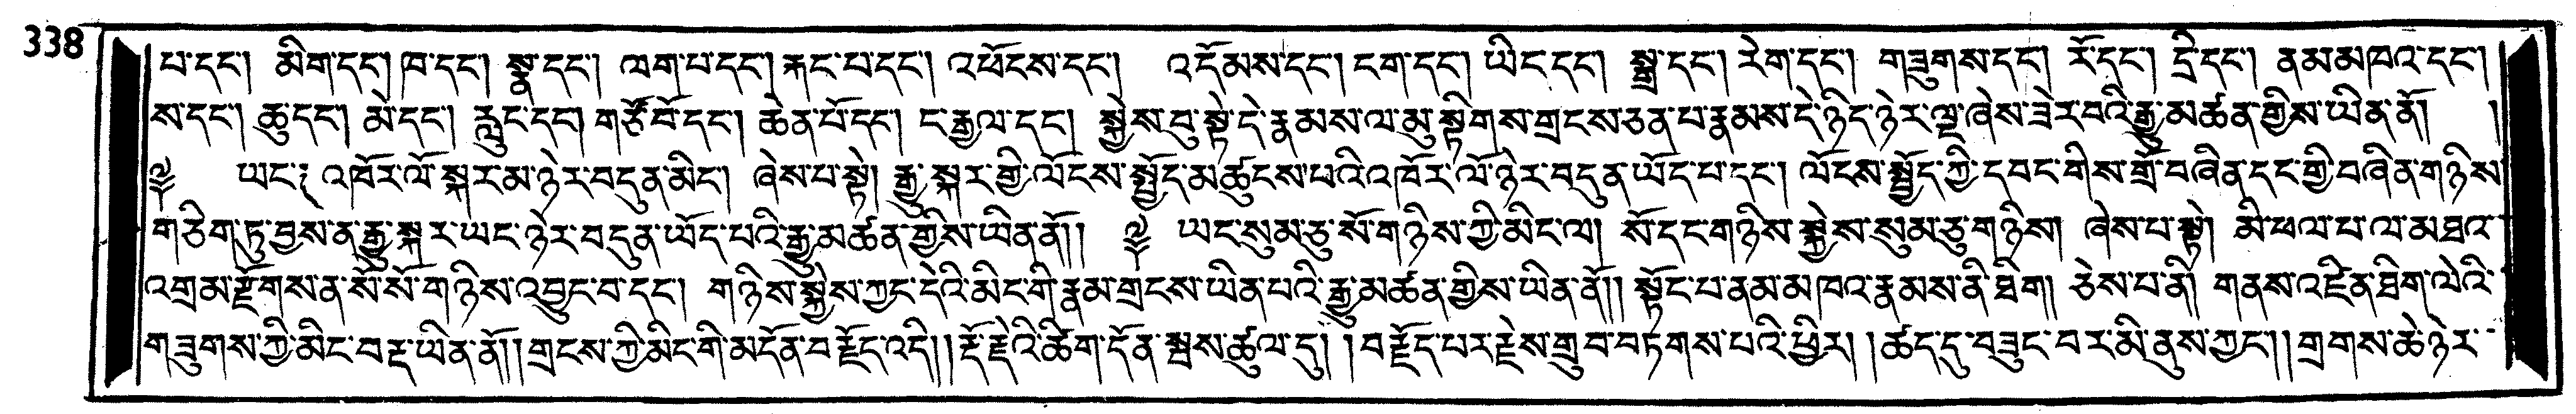པ་དང་། མིག་དང་། ཁ་དང་། སྣ་དང་། ལག་པ་དང་། རྐང་པ་དང་། འཕོངས་དང་། འདོམས་དང་། ངག་དང་། ཡིད་དང་། སྒྲ་དང་། རེག་དང་། གཟུགས་དང་། རོ་དང་། དྲི་དང་། ནམ་མཁའ་དང་།
ས་དང་། ཆུ་དང་། མེ་དང་། རླུང་དང་། གཙོ་བོ་དང་། ཆེན་པོ་དང་། ང་རྒྱལ་དང་། སྐྱེས་བུ་སྟེ་དེ་རྣམས་ལ་མུ་སྟིགས་གྲངས་ཅན་པ་རྣམས་དེ་ཉིད་ཉེར་ལྔ་ཞེས་ཟེར་བའི་རྒྱུ་མཚན་གྱིས་ཡིན་ནོ། །
འ་ཡང༑ འཁོར་ལོ་སྐར་མ་ཉེར་བདུན་མིང་། ཞེས་པ་སྟེ། རྒྱུ་སྐར་གྱི་ལོངས་སྤྱོད་མཚུངས་པའི་འཁོར་ལོ་ཉེར་བདུན་ཡོད་པ་དང་། ལོངས་སྤྱོད་ཀྱི་དབང་གིས་གྲོ་བཞིན་དང་གྱི་བཞིན་གཉིས་
གཅིག་ཏུ་བྱས་ན་རྒྱུ་སྐར་ཡང་ཉེར་བདུན་ཡོད་པའི་རྒྱུ་མཚན་གྱིས་ཡིན་ནོ།། འ་ཡང་སུམ་ཅུ་སོ་གཉིས་ཀྱི་མིང་ལ། སོ་དང་གཉིས་སྐྱེས་སུམ་ཅུ་གཉིས། ཞེས་པ་སྟེ། མི་ཕལ་པ་ལ་མཐའ་
འགྲམ་རྫོགས་ན་སོ་སོ་གཉིས་འབྱུང་བ་དང་། གཉིས་སྐྱེས་ཀྱང་དེའི་མིང་གི་རྣམ་གྲངས་ཡིན་པའི་རྒྱུ་མཚན་གྱིས་ཡིན་ནོ། །སྟོང་པ་ནམ་མཁའ་རྣམས་ནི་ཐིག། ཅེས་པ་ནི། གནས་འཛིན་ཐིག་ལེའི་
གཟུགས་ཀྱི་མིང་བརྡ་ཡིན་ནོ། །གྲངས་ཀྱི་མིང་གི་མདོན་བརྗོད་འདི། །རྡོ་རྗེའི་ཚིག་དོན་སྦས་ཚུལ་དུ། །བརྗོད་པར་རྗེས་གྲུབ་བཏགས་པའི་ཕྱིར། །ཚད་དུ་བཟུང་བར་མི་ནུས་ཀྱང་། །གྲགས་ཆེ་ཉེར་